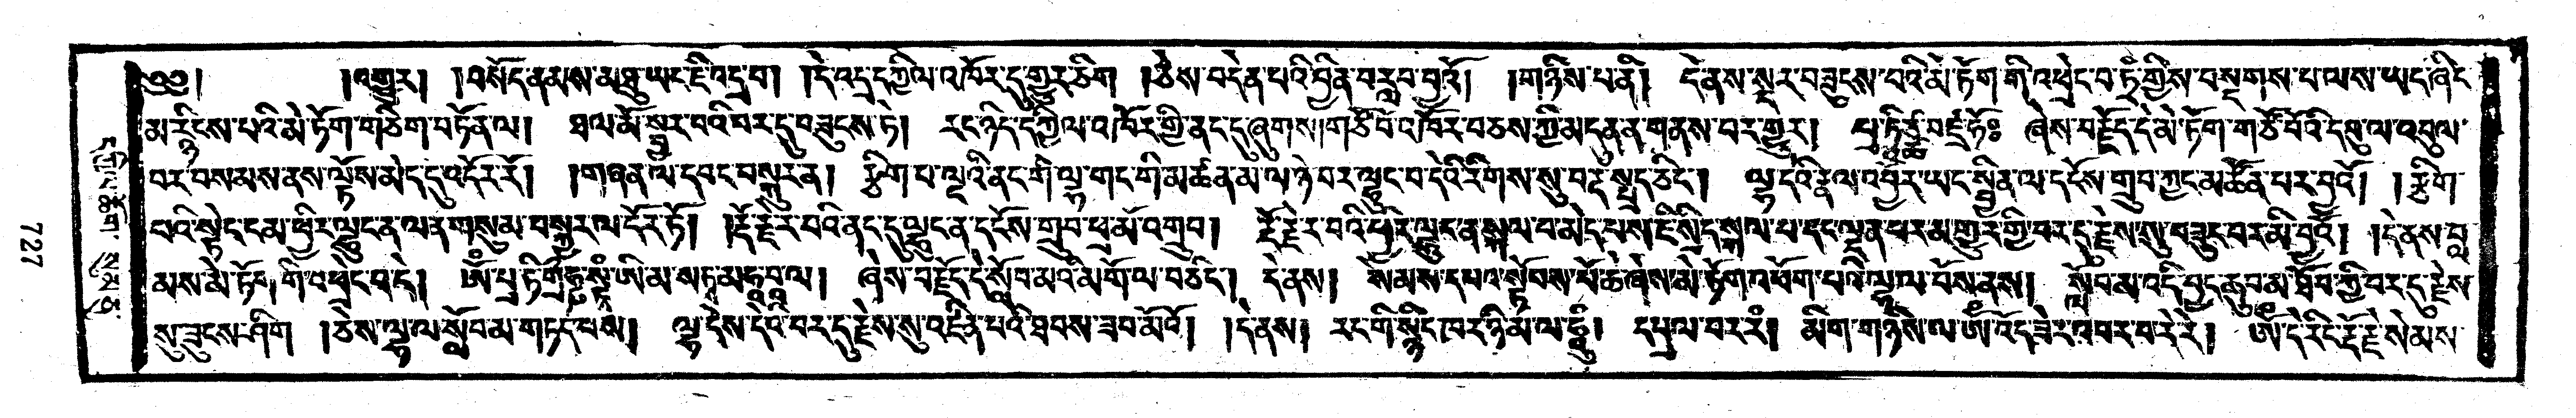༄༅། །འགྱུར། །བསོད་ནམས་མཐུ་ཡང་ཇི་འདྲ་བ། །དེ་འདྲ་དཀྱིལ་འཁོར་དུ་གྱུར་ཅིག །ཅེས་བདེན་པའི་བྱིན་བརླབ་བྱའོ། །གཉིས་པ་ནི། དེ་ནས་སྔར་བཟུངས་པའི་མེ་ཏོག་གི་འཕྲེང་བ་ཏྲཾ་གྱིས་བསྔགས་པ་ལས་ཡང་ཞིང་
མ་རྙིངས་པའི་མེ་ཏོག་གཅིག་བཏོན་པ། ཐལ་མོ་སྦྱར་བའི་བར་དུ་བཟུངས་ཏེ། རང་ཉིད་དཀྱིལ་འཁོར་གྱི་ནང་དུ་ཞུགས་གཙོ་བོ་འཁོར་བཅས་ཀྱི་མདུན་ན་གནས་བར་གྱུར། པྲ་ཏཱིཙྪ་བཛྲ་ཧོཿ ཞེས་བརྗོད་དེ་མེ་ཏོག་གཙོ་བོའི་དབུ་ལ་འབུལ་
བར་བསམས་ནས་ལྟོས་མེད་དུ་འདོར་རོ། །གཞན་ལ་དབང་བསྐུར་ན། རྩིག་པ་ལྔའི་ནང་གི་ལྷ་གང་གི་མཚན་མ་ལ་ཉེ་བར་ལྷུང་བ་དེའི་རིགས་སུ་བརྡ་སྦྲད་ཅིང་། ལྷ་དེའི་རྣལ་འབྱོར་ཡང་སྦྱིན་ལ་དངོས་གྲུབ་ཀྱང་མཚོན་པར་བྱའོ། །རྩིག་
པའི་སྟེང་ངམ་ཕྱིར་ལྷུང་ན་ལན་གསུམ་བསྐྱར་ལ་དོར་ཏོ། །རྡོ་རྗེ་ར་བའི་ནང་དུ་ལྷུང་ན་དངོས་གྲུབ་ཕྲ་མོ་འགྲུབ། རྡོ་རྗེ་ར་བའི་ཕྱིར་ལྷུང་ན་སྐལ་བ་མེད་པས་ཇི་སྲིད་སྐལ་བ་དང་ལྡན་པར་མ་གྱུར་གྱི་བར་དུ་རྗེས་སུ་བཟུང་བར་མི་བྱའོ། །དེ་ནས་བླ་
མས་མེ་ཏོག་གི་འཕྲེང་བ་དེ། ཨོཾ་པྲ་ཏི་གྲྀཧྞ་སྟྭཾ་ཨི་མ་སཏྭ་མཧཱ་བཱ་ལ། ཞེས་བརྗོད་དེ་སློབ་མའི་མགོ་ལ་བཅིང་། དེ་ནས། སེམས་དཔའ་སྟོབས་པོ་ཆེ་ཞེས་མེ་ཏོག་འཕོག་པའི་ལྷ་ལ་བོས་ནས། སློབ་མ་འདི་བྱང་ཆུབ་མ་ཐོབ་ཀྱི་བར་དུ་རྗེས་
སུ་ཟུངས་ཤིག །ཅེས་ལྷ་ལ་སློབ་མ་གཏད་པས། ལྷ་དེས་དེའི་བར་དུ་རྗེས་སུ་འཛིན་པའི་ཐབས་ཟབ་མོའོ། །དེ་ནས། རང་གི་སྙིང་ཁར་ཉི་མ་ལ་ཧཱུཾ། དཔྲལ་བར་རཾ། མིག་གཉིས་ལ་ཨོཾ་འོད་ཟེར་འབར་བ་རེ་རེ། ཨོཾ་དེ་རིང་རྡོ་རྗེ་སེམས་